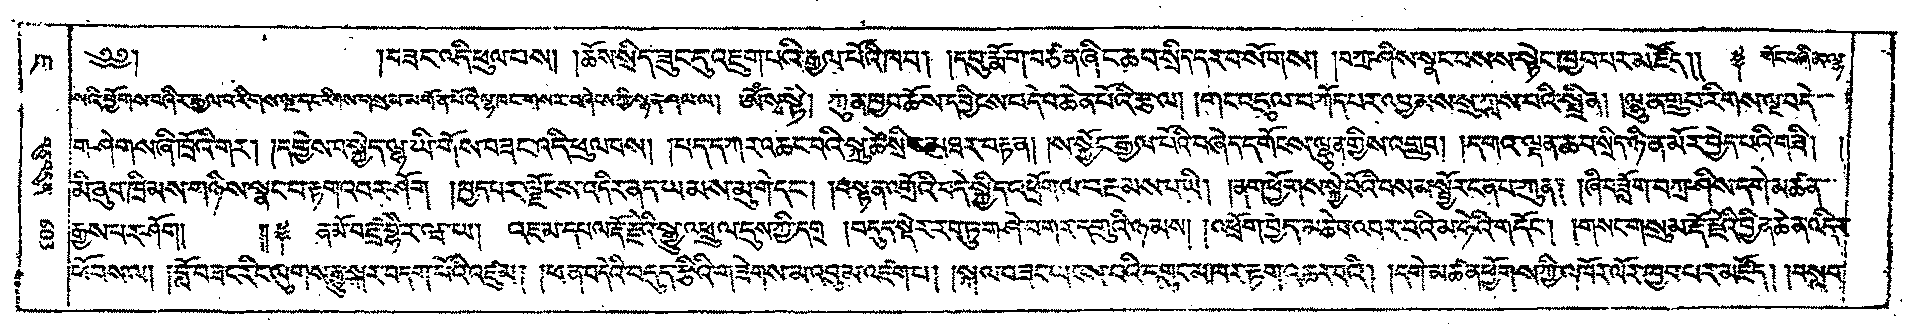༄༅། །བཟང་འདི་ཕུལ་བས། །ཆོས་སྲིད་ཟུང་དུ་འཇུག་པའི་རྒྱལ་པོའི་ཁབ། །དབུ་རྨོག་བཙན་ཞིང་ཆབ་སྲིད་དར་བ་སོགས། །བཀྲ་ཤིས་སྣང་བས་ས་སྟེང་ཁྱབ་པར་མཛོད།། ༈ གོང་བཞིན་ལྷ་
སའི་ཕྱོགས་བཞིར་རྒྱལ་བ་རིགས་ལྔ་དང་རིགས་གསུམ་མགོན་པོའི་ལྷ་ཁང་གསར་བཞེངས་ཀྱི་སྙན་ཤལ་ལ། ཨོཾ་སྭ་སྟི། ཀུན་ཁྱབ་ཆོས་དབྱིངས་བདེ་བ་ཆེན་པོའི་རྩལ། །གང་འདུལ་བཀོད་པར་འབྱམས་སུ་ཀླས་པའི་སྤྲིན། །ལྷུན་གྲུབ་རིགས་ལྔ་བདེ་
གཤེགས་ཞི་ཁྲོའི་གར། །དགྱེས་བསྐྱེད་ལྷ་ཡི་གོས་བཟང་འདི་ཕུལ་བས། །པད་དཀར་འཆང་བའི་སྐུ་ཚེ་སྲིད་མཐར་བརྟན། །ས་སྐྱོང་རྒྱལ་པོའི་བཞེད་དགོངས་ལྷུན་གྱིས་འགྲུབ། །དགའ་ལྡན་ཆབ་སྲིད་ཉིན་མོར་བྱེད་པའི་གཟི། །
མི་ནུབ་ཁྲིམས་གཉིས་སྣང་བ་རྟག་འབར་ཤོག །ཁྱད་པར་ལྗོངས་འདིར་ནད་ཡམས་མུ་གེ་དང་། །བསྟན་འགྲོའི་བདེ་སྐྱིད་འཕྲོག་ལ་བརྔམས་པ་ཡི། །ནག་ཕྱོགས་སྐྱེ་བོའི་བསམ་སྦྱོར་ངན་པ་ཀུན། །ཞི་བཟློག་བཀྲ་ཤིས་དགེ་མཚན་
རྒྱས་པར་ཤོག ། །།༈ ན་མོ་བཛྲ་བྷཻ་ར་ཝ་ཡ། འཇམ་དཔལ་རྡོ་རྗེའི་སྒྱུ་འཕྲུལ་དུས་ཀྱི་དགྲ་།བདུད་སྡེར་རབ་ཏུ་གཤེ་བ་གར་དགུའི་ཉམས། །འཕྲོག་བྱེད་མཆེ་བ་འབར་བའི་མ་ཧེའི་གདོང་། །གསང་གསུམ་རྡོ་རྗེའི་བྱིན་ཆེན་འདིར་
ཕོབས་ལ། །བློ་བཟང་རིང་ལུགས་རྒྱུ་སྐར་བདག་པོའི་འཛུམ། །ཕན་བདེའི་བདུད་རྩིའི་གཟེགས་མ་འབུམ་འཛག་པ། །སྐལ་བཟང་ཡངས་པའི་དགུང་མཁར་རྟག་འཆར་བའི། །དགེ་མཚན་ཕྱོགས་ཀྱི་འཁོར་ལོར་ཁྱབ་པར་མཛོད། །བསླབ་